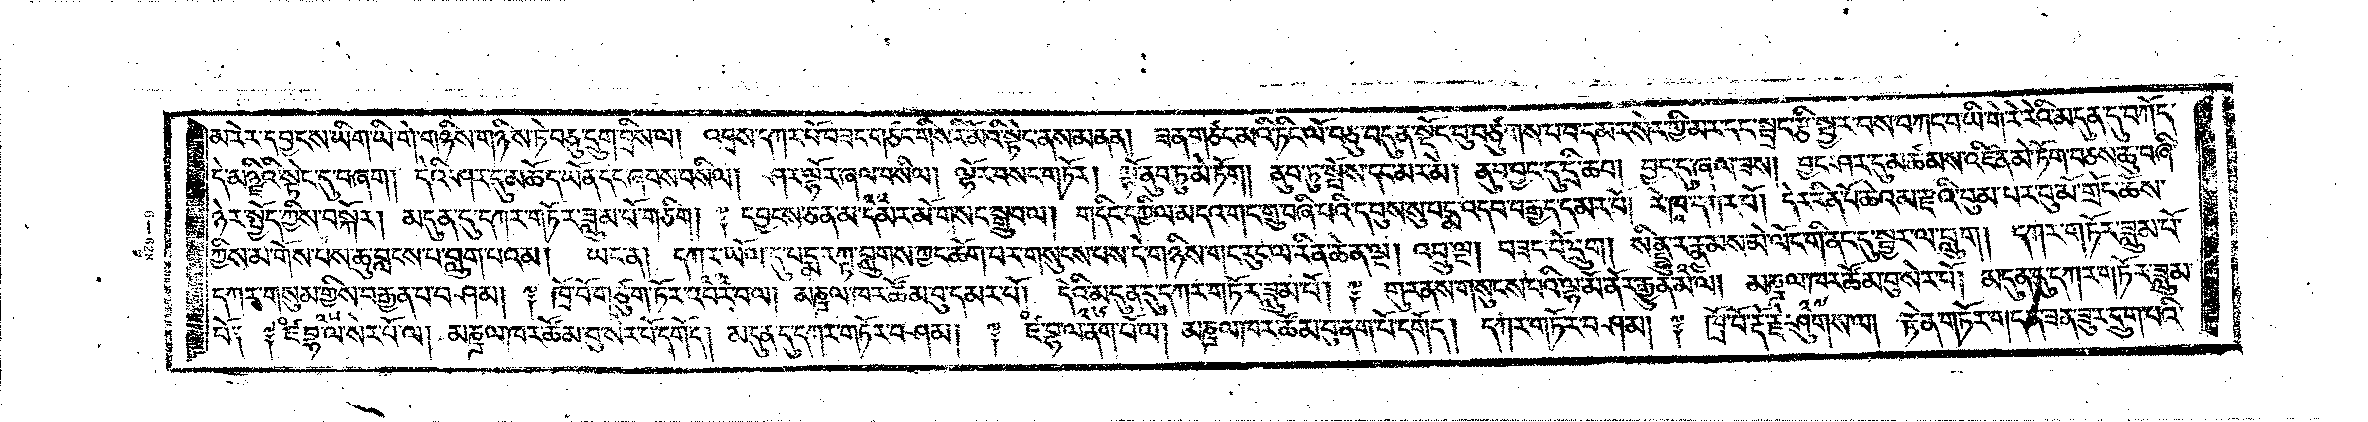མ་རེར་དབྱངས་ཡིག་ཡི་གེ་གཉིས་གཉིས་ཏེ་བཅུ་དྲུག་བྲིས་ལ། འབྲས་དཀར་པོ་བཟང་ཙང་གིས་རི་མོའི་སྟེང་ནས་མནན། ཟན་གཙང་མའི་གཏིང་ལོ་བཅུ་བདུན་སྡོང་བུ་བཙུགས་པ་བ་དམར་སེར་གྱི་མར་དང་སྦྲང་རྩི་སྦྱར་བས་བཀང་བ་ཡི་གེ་རེ་རེའི་མདུན་དུ་བཀོད་
དེ་མཉྫིའི་སྟེང་དུ་བཞག ། དེའི་ཤར་དུ་མཆོད་ཡོན་དང་ཞབས་བསིལ། ཤར་ལྷོར་ཞལ་བསིལ། ལྷོར་བསང་གཏོར། ལྷོ་ནུབ་ཏུ་མེ་ཏོག ། ནུབ་ཏུ་སྤྲོས་དང་མར་མེ། ནུབ་བྱང་དུ་དྲི་ཆབ། བྱང་དུ་ཞལ་ཟས། བྱང་ཤར་དུ་མཚམས་འཛིན་མེ་ཏོག་བཅས་ཆུ་བཞི་
ཉེར་སྤྱོད་ཀྱིས་བསྐོར། མདུན་དུ་དཀར་གཏོར་ཟླུམ་པོ་གཅིག ། ༈ དབྱངས་ཅན་མ་དམར་མོ་གསང་སྒྲུབ་ལ། གདིང་དཀྱིལ་མདའ་གང་གྲུ་བཞི་པའི་དབུས་སུ་པདམ་འདབ་བརྒྱད་དམར་པོ། རེ་ཁཱ་དཀར་པོ། དེར་རིན་པོ་ཆེའམ་རྫའི་བུམ་པར་བུ་མོ་གྲོང་ཆོས་
ཀྱིས་མ་གོས་པས་ཆུ་བླངས་པ་བླུག་པའམ། ཡང་ན། དཀར་ཡོལ་དུ་པདམར་རཀྟ་བླུགས་ཀྱང་ཆོག་པར་གསུངས་པས་དེ་གཉིས་གང་རུང་ལ་རིན་ཆེན་ལྔ། འབྲུ་ལྔ། བཟང་པོ་དྲུག ། སིནྡྷུ་ར་རྣམས་མེ་ལོང་གི་ནང་དུ་སྦྱར་ལ་བླུག ། དཀར་གཏོར་ཟླུམ་པོ་
དཀར་གསུམ་གྱིས་བརྒྱན་པ་བཤམ། ༈ ཁྲོ་བོ་གཙུག་ཏོར་འབར་བ་ལ། མཎྜལ་ཁར་ཚོམ་བུ་དམར་པོ། དེའི་མདུན་དུ་དཀར་གཏོར་ཟླུམ་པོ། ༈ གུར་ནས་གསུངས་པའི་ལྷ་མོ་ནོར་རྒྱུན་མ་ལ། མཎྜལ་ཁར་ཚོམ་བུ་སེར་པོ། མདུན་དུ་དཀར་གཏོར་ཟླུམ་
པོ༑ ༈ ཛཾ་བྷ་ལ་སེར་པོ་ལ། མཎྜལ་ཁར་ཚོམ་བུ་སེར་པོ་དགོད། མདུན་དུ་དཀར་གཏོར་བཤམ། ༈ ཛཾ་བྷ་ལ་ནག་པོ་ལ། མཎྜལ་ཁར་ཚོམ་བུ་ནག་པོ་དགོད། དཀར་གཏོར་བཤམ། ༈ ཁྲོ་བོ་རྡོ་རྗེ་ཤུགས་ལ། རྟེན་གཏོར་གདན་ཟན་ཟུར་དྲུག་པའི་